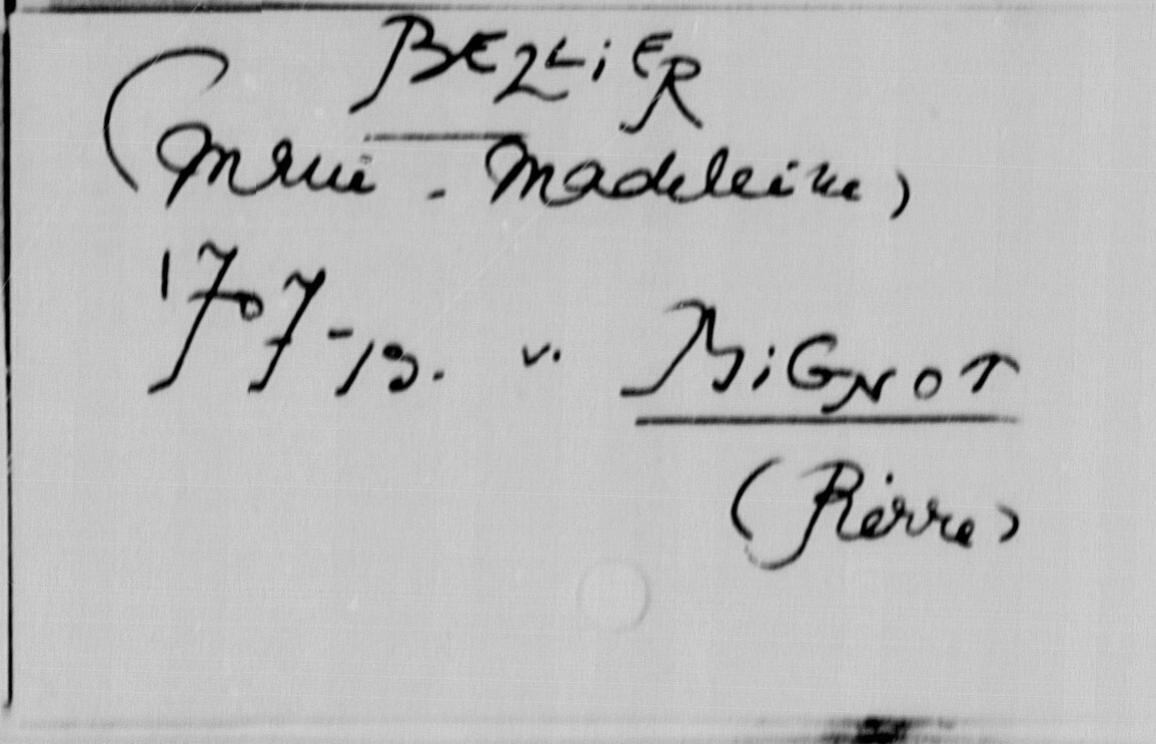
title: BELLIER (Marie-Madeleine)
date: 1707-1719
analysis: Voir MIGNOT (Pierre)
